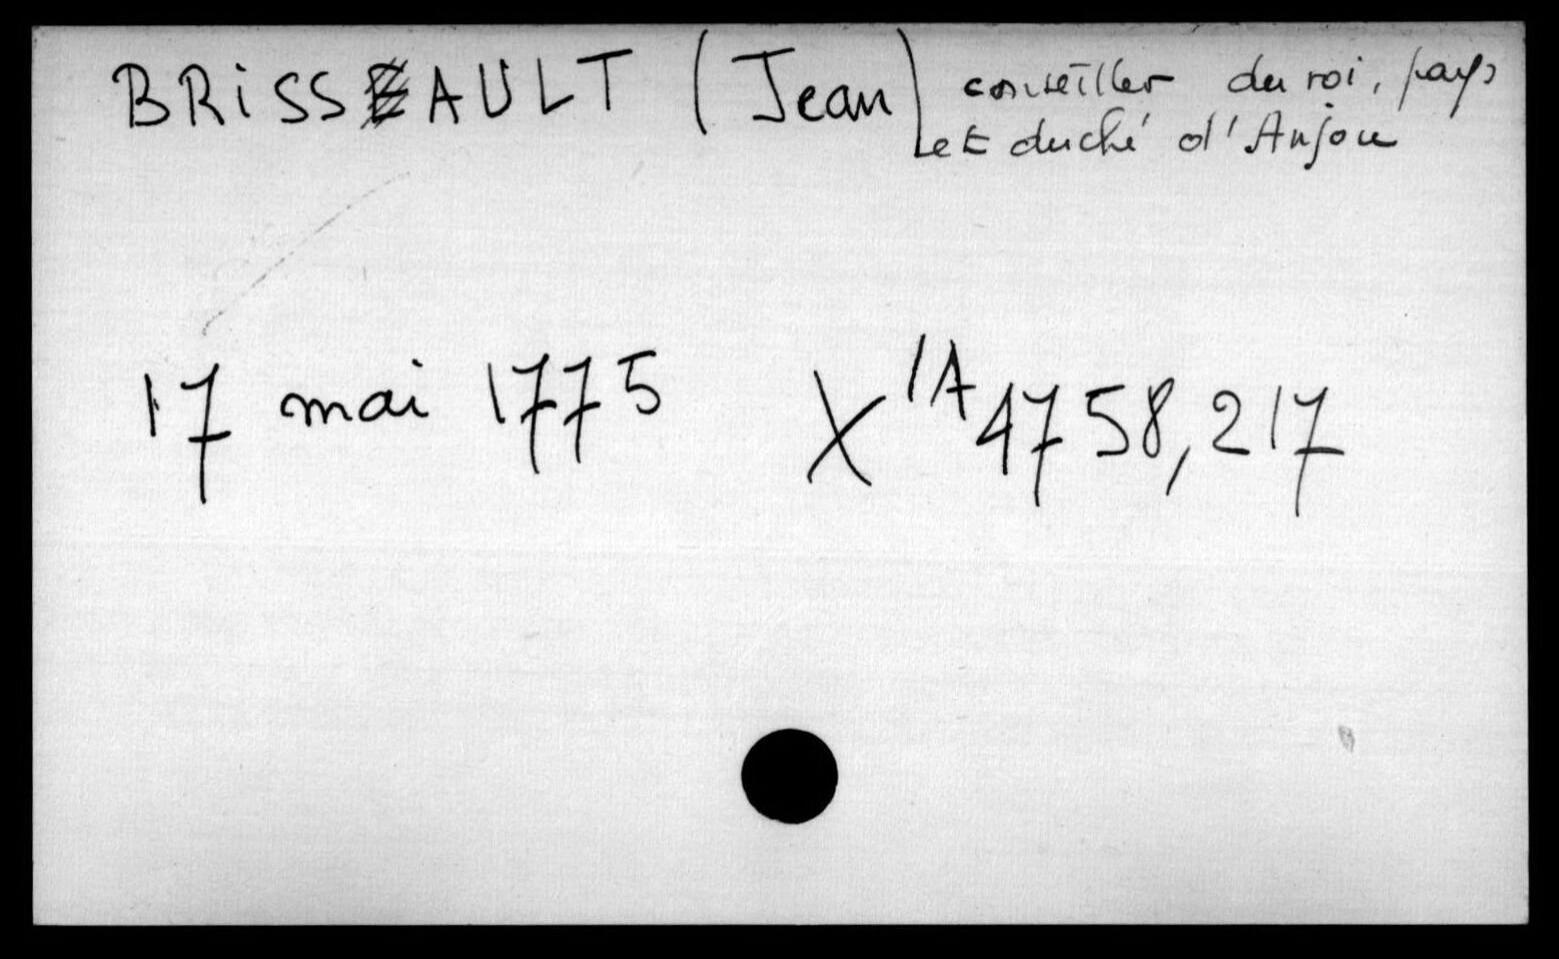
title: BRISSAULT (Jean) conseiller du roi, pays et duché d'Anjou
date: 17 mai 1775
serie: X1A
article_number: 4758
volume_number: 217
